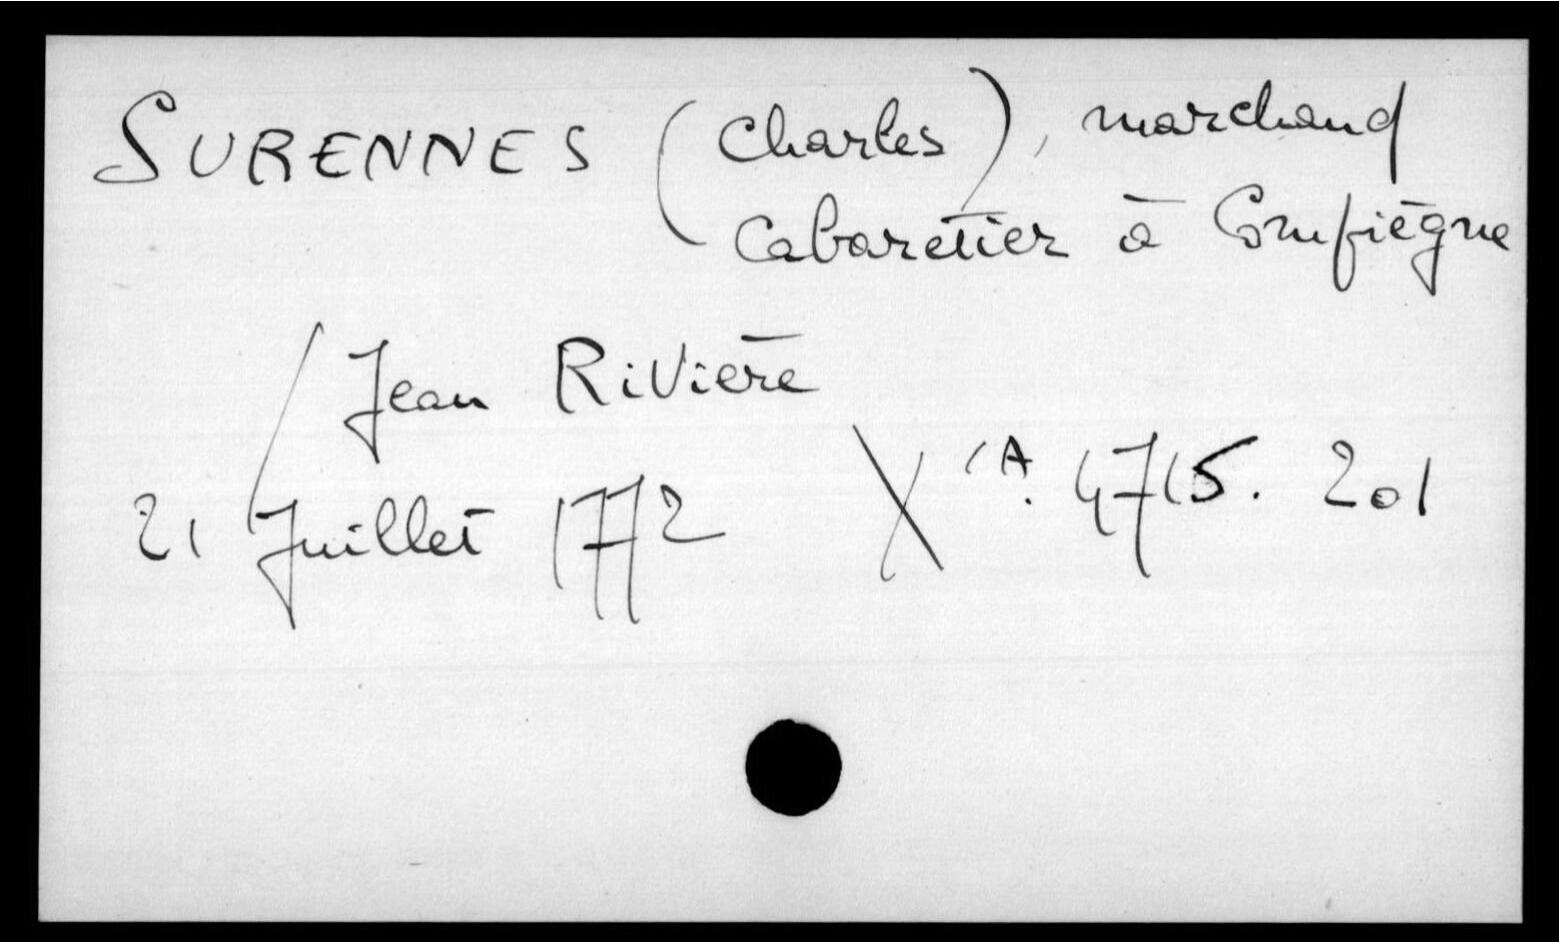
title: SURENNES (Charles), marchand cabaretier à Compiègne
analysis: Contre Jean Rivière
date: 21 juillet 1772
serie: X1A
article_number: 4715
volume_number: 201
